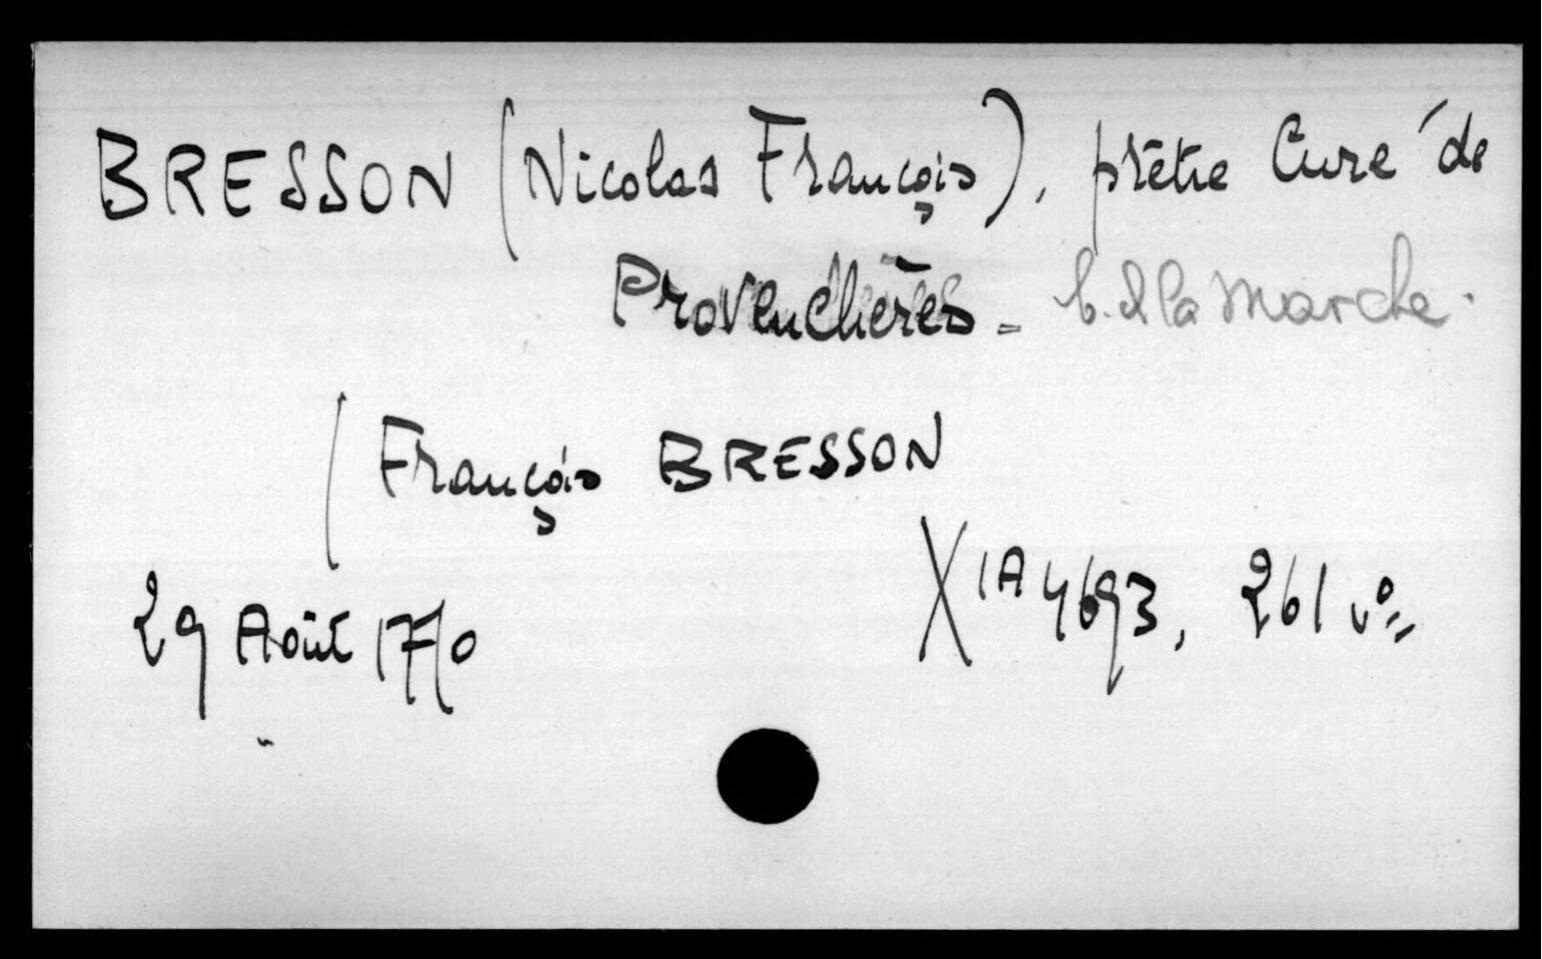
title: BRESSON (Nicolas François), prêtre cure de Provenchères bailliage de La Marche
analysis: Contre François BRESSON
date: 29 août 1770
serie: X1A
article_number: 4693
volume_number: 261v
